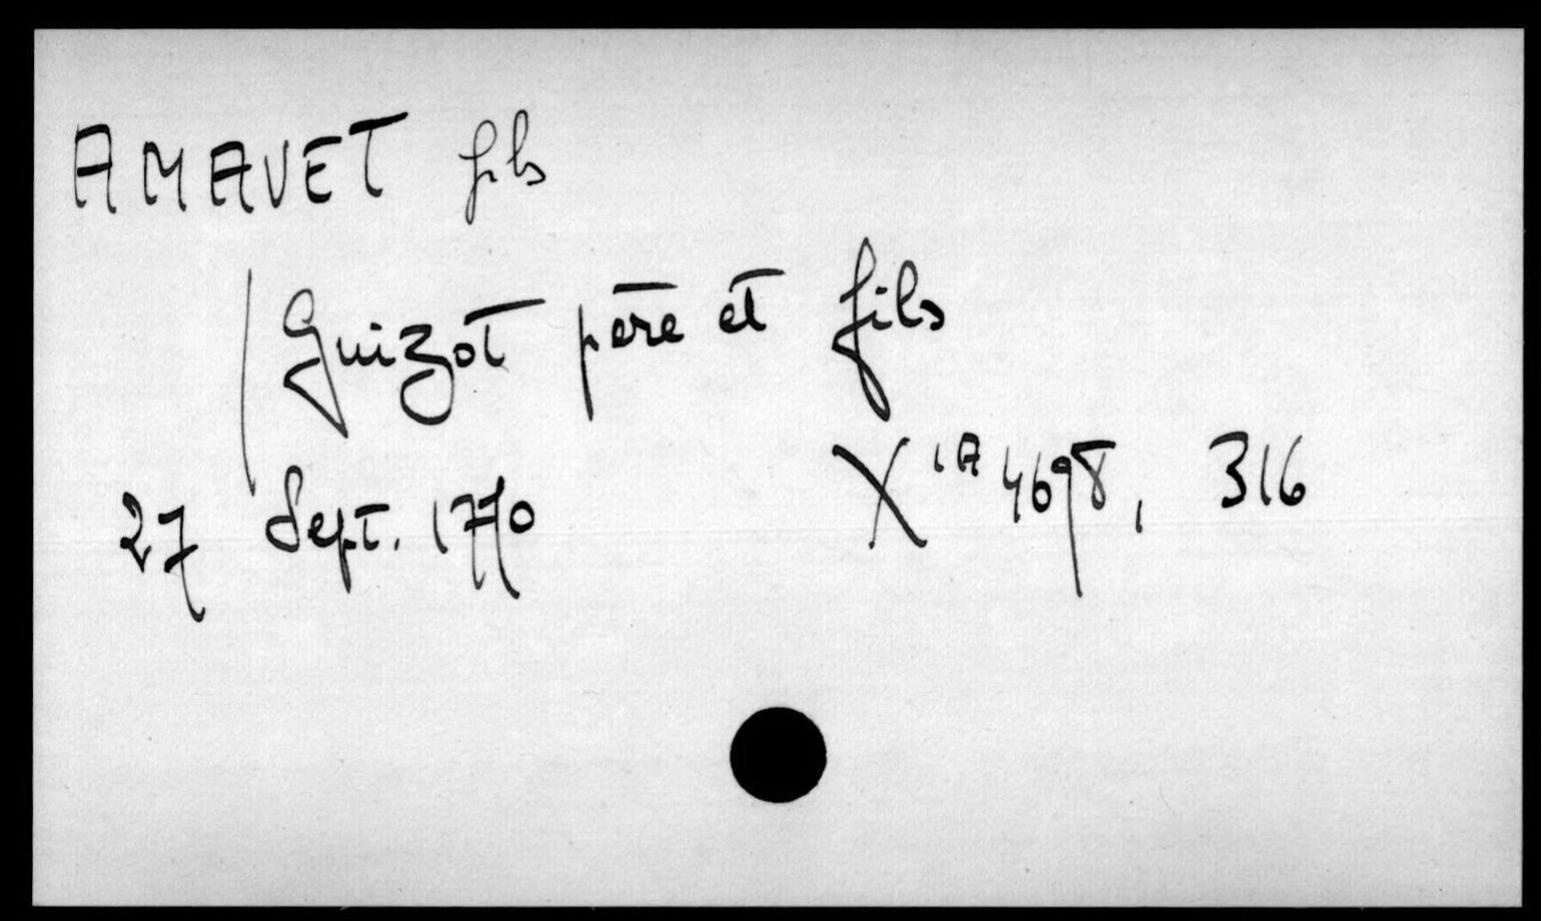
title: AMAVET fils
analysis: Contre Guizot père et fils
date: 27 septembre 1770
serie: X1A
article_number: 4698
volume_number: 316
